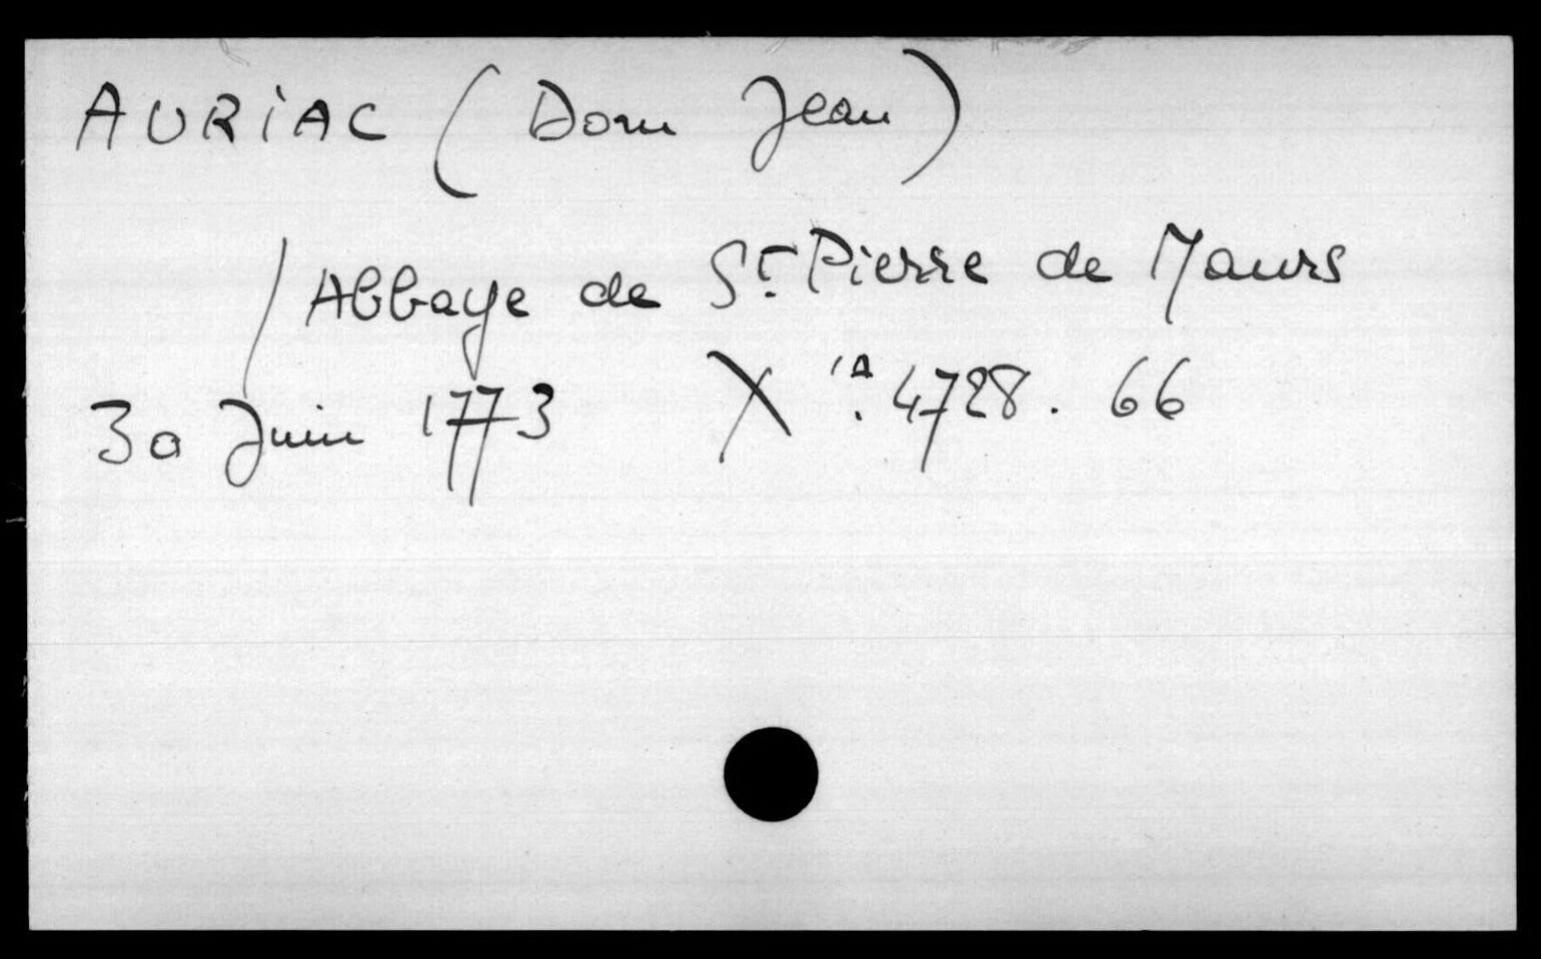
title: AURIAC (Dom jean)
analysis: Contre Abbaye de Saint-Pierre de Maurs
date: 30 juin 1773
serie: X1A
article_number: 4728
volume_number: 66
